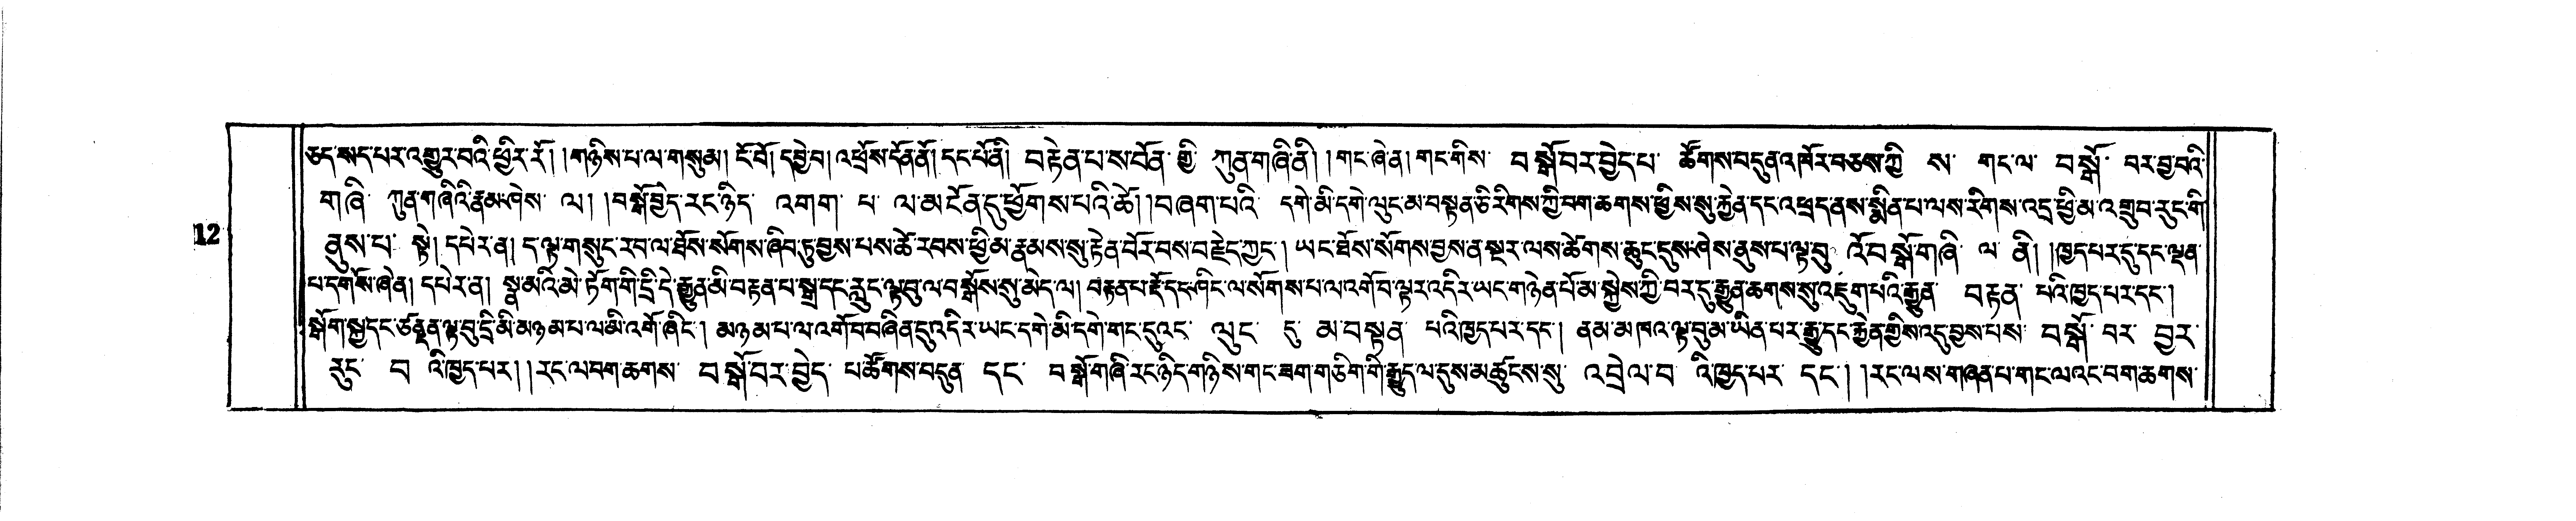ཅད་སད་པར་འགྱུར་བའི་ཕྱིར་རོ། །གཉིས་པ་ལ་གསུམ། ངོ་བོ། དབྱེ་བ། འཕྲོས་དོན་ནོ། དང་པོ་ནི། བརྟེན་པ་ས་བོན་གྱི་ཀུན་གཞི་ནི། །གང་ཞེ་ན། གང་གིས་བསྒོ་བར་བྱེད་པ་ཚོགས་བདུན་འཁོར་བཅས་ཀྱིས་གང་ལ་བསྒོ་བར་བྱ་བའི་
གཞི་ཀུན་གཞིའི་རྣམ་ཤེས་ལ། །བསྒོ་བྱེད་རང་ཉིད་འགག་པ་ལ་མངོན་དུ་ཕྱོགས་པའི་ཚེ། །བཞག་པའི་དགེ་མི་དགེ་ལུང་མ་བསྟན་ཅི་རིགས་ཀྱི་བག་ཆགས་ཕྱིས་སུ་རྐྱེན་དང་འཕྲད་ནས་སྨིན་པ་ལས་རིགས་འདྲ་ཕྱི་མ་འགྲུབ་རུང་གི་
ནུས་པ་སྟེ། དཔེར་ན། ད་ལྟ་གསུང་རབ་ལ་ཐོས་སོགས་ཞིབ་ཏུ་བྱས་པས་ཚེ་རབས་ཕྱི་མ་རྣམས་སུ་རྟེན་བོར་བས་བརྗེད་ཀྱང་། ཡང་ཐོས་སོགས་བྱས་ན་སྔར་ལས་ཚེགས་ཆུང་དུས་ཤེས་ནུས་པ་ལྟ་བུ་འོ་བསྒོ་གཞི་ལ་ནི། །ཁྱད་པར་དུ་དང་ལྡན་
པ་དགོས་ཞེ་ན། དཔེར་ན། སྣ་མའི་མེ་ཏོག་གི་དྲི་དེ་རྒྱུན་མི་བརྟན་པ་སྒྲ་དང་རླུང་ལྟ་བུ་ལ་བསྒོས་སུ་མེད་ལ། བརྟན་པ་རྡོ་དང་ཤིང་ལ་སོགས་པ་ལ་འགོ་བ་ལྟར་འདིར་ཡང་གཉེན་པོ་མ་སྐྱེས་ཀྱི་བར་དུ་རྒྱུན་ཆགས་སུ་འཇུག་པའི་རྒྱུན་བརྟན་པའི་ཁྱད་པར་དང་།
སྒོག་སྐྱ་དང་ཙནྡན་ལྟ་བུ་དྲི་མི་མཉམ་པ་ལ་མི་འགོ་ཞིང་། མཉམ་པ་ལ་འགོ་བ་བཞིན་དུ་འདིར་ཡང་དགེ་མི་དགེ་གང་དུའང་ལུང་དུ་མ་བསྟན་པའི་ཁྱད་པར་དང་། ནམ་མཁའ་ལྟ་བུ་མ་ཡིན་པར་རྒྱུ་དང་རྐྱེན་གྱིས་འདུ་བྱས་པས་བསྒོ་བར་བྱར་
རུང་བའི་ཁྱད་པར། །རང་ལ་བག་ཆགས་བསྒོ་བར་བྱེད་པ་ཚོགས་བདུན་དང་བསྒོ་གཞི་རང་ཉིད་གཉིས་གང་ཟག་གཅིག་གི་རྒྱུད་ལ་དུས་མཚུངས་སུ་འབྲེལ་བའི་ཁྱད་པར་དང་། །རང་ལས་གཞན་པ་གང་ལའང་བག་ཆགས་